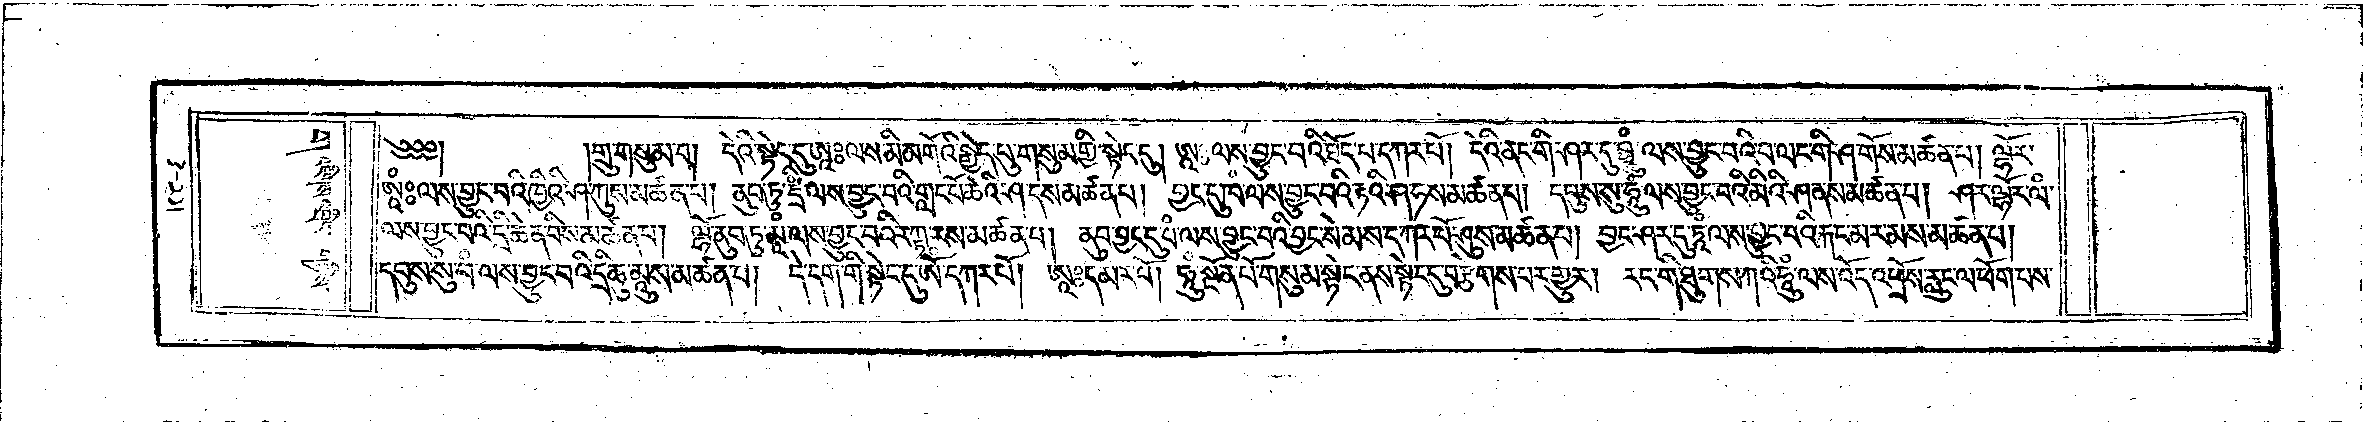༄༅། །གྲུ་གསུམ་བ། དེའི་སྟེང་དུ་ཨཱཿལས་མི་མགོའི་སྒྱེད་པུ་གསུམ་གྱི་སྟེང་དུ། ཨཱཿལས་བྱུང་བའི་ཐོད་པ་དཀར་པོ། དེའི་ནང་གི་ཤར་དུ་ཐུཾ་ལས་བྱུང་བའི་བ་ལང་གི་ཤ་གོས་མཚན་པ། ལྷོར་
ཨཱཾཿལས་བྱུང་བའི་ཁྱིའི་ཤ་ཀུས་མཚན་པ། ནུབ་ཏུ་ཛྲིཾ་ལས་བྱུང་བའི་གླང་པོ་ཆེའི་ཤ་དས་མཚན་པ། བྱང་དུ་ཁཾ་ལས་བྱུང་བའི་རྟའི་ཤ་ཧས་མཚན་པ། དབུས་སུ་ཧཱུཾ་ལས་བྱུང་བའི་མིའི་ཤ་ནས་མཚན་པ། ཤར་ལྷོར་ལཾ་
ལས་བྱུང་བའི་དྲི་ཆེན་བིས་མཚན་པ། ལྷོ་ནུབ་ཏུ་མཱཾ་ལས་བྱུང་བའི་རཀྟ་རས་མཚན་པ། ནུབ་བྱང་དུ་པཾ་ལས་བྱུང་བའི་བྱང་སེམས་དཀར་པོ་ཤུས་མཚན་པ། བྱང་ཤར་དུ་ཏཱ་ལས་བྱུང་བའི་རྐང་མར་མས་མཚན་པ།
དབུས་སུ་པཾ་ལས་བྱུང་པའི་དྲི་ཆུ་མཱུས་མཚན་པ། དེ་དག་གི་སྟེང་དུ་ཨོཾ་དཀར་པོ། ཨཱཿདམར་པོ། ཧཱུཾ་སྔོན་པོ་གསུམ་སྟེང་ནས་སྟེང་དུ་བརྩེགས་པར་གྱུར། རང་གི་ཐུགས་ཀའི་ཧཱུཾ་ལས་འོད་འཕྲོས་རླུང་ལ་ཕོག་པས་